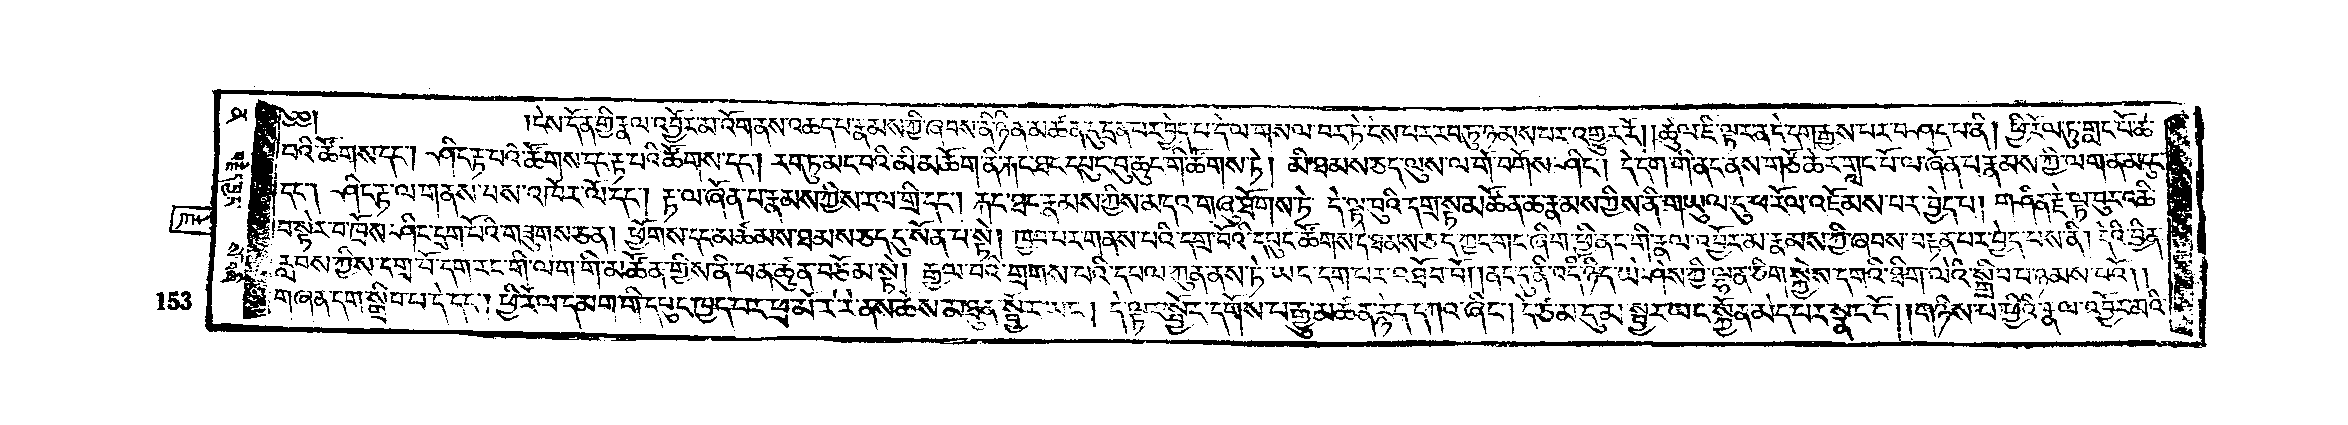༄༅། །ངེས་དོན་གྱི་རྣལ་འབྱོར་མ་འོག་ནས་འཆད་པ་རྣམས་ཀྱི་ཞབས་ནི་ཉིན་མཚན་དུ་དྲན་པར་བྱེད་པ་དེ་ལ་གསལ་བར་ཏེ་ངེས་པར་རབ་ཏུ་ཉམས་པར་འགྱུར་རོ། །ཚུལ་ཇི་ལྟར་ན་དེ་དག་རྒྱས་པར་བཤད་པ་ནི། ཕྱི་རོལ་ཏུ་གླང་པོ་ཆེ་
པའི་ཚོགས་དང་།ཤིང་རྟ་པའི་ཚོགས་དང་རྟ་པའི་ཚོགས་དང་།རབ་ཏུ་མང་བའི་མི་མཆོག་ནི་རྐང་ཐང་དཔུང་བུ་ཆུང་གི་ཚོགས་ཏེ། མི་ཐམས་ཅད་ལུས་ལ་གོ་བགོས་ཤིང་། དེ་དག་གི་ནང་ནས་གཙོ་ཆེར་གླང་པོ་ལ་ཞོན་པ་རྣམས་ཀྱི་ལག་ན་མདུང་
དང་།ཤིང་རྟ་ལ་གནས་པས་འཁོར་ལོ་དང་།རྟ་ལ་ཞོན་པ་རྣམས་ཀྱིས་རལ་གྱི་དང་།རང་ཐང་རྣམས་ཀྱི་མདའ་གཞུ་ཐོགས་ཏེ། དེ་ལྟ་བུའི་དགྲ་སྟ་མཚོན་ཆ་རྣམས་ཀྱི་ནི་གཡུལ་དུ་ཕ་རོལ་འཇོམས་པར་བྱེད་པ། གཤིན་རྗེ་ལྟ་བུར་འཆི་
བ་སྟེར་བ་ཁྲོས་ཤིང་དྲག་པོའི་གཟུགས་ཅན། ཕྱོགས་དང་མཚམས་ཐམས་ཅད་དུ་སོན་པ་སྟེ། ཁྱབ་པར་གནས་པའི་དགྲ་བོའི་དཔུང་ཚོགས་དེ་ཐམས་ཅད་ཀྱང་གང་ཞིག་ཕྱི་ནང་གི་རྣལ་འབྱོར་མ་རྣམས་ཀྱི་ཞབས་བརྟན་པར་བྱེད་པས་ནི། དེའི་བྱིན་
རླབས་ཀྱིས་དགྲ་བོ་དག་རང་གི་ལག་གི་མཚོན་གྱིས་ནི་ཕན་ཚུན་བཅོམ་སྟེ། རྒྱལ་བའི་གྲགས་པའི་དཔལ་ཀུན་ནས་ཏེ་ཡང་དག་པར་འཐོབ་བོ། །ནང་དུ་ནི་འདི་ཉིད་ཡེ་ཤེས་ཀྱི་ལྷན་ཅིག་སྐྱེས་དགའི་ཐིག་ལེའི་སྒྲིབ་པ་ཉམས་པའོ། །
གཞན་དག་སྒྲིབ་པ་དེ་དང་།ཕྱི་རོལ་དམག་གི་དཔུང་ཁྱད་པར་ཕྲ་མོ་རེ་རེ་ནས་ཆོས་མཐུན་སྦྱོར་ཡང་། དེ་ལྟར་སྦྱོར་དགོས་པ་རྒྱུ་མཚན་རྙེད་དཀའ་ཞིང་། དེ་ཙམ་དུ་མ་སྦྱར་ཡང་སྐྱོན་མེད་པར་སྣང་ངོ། །གཉིས་པ་ཕྱིའི་རྣལ་འབྱོར་མའི་